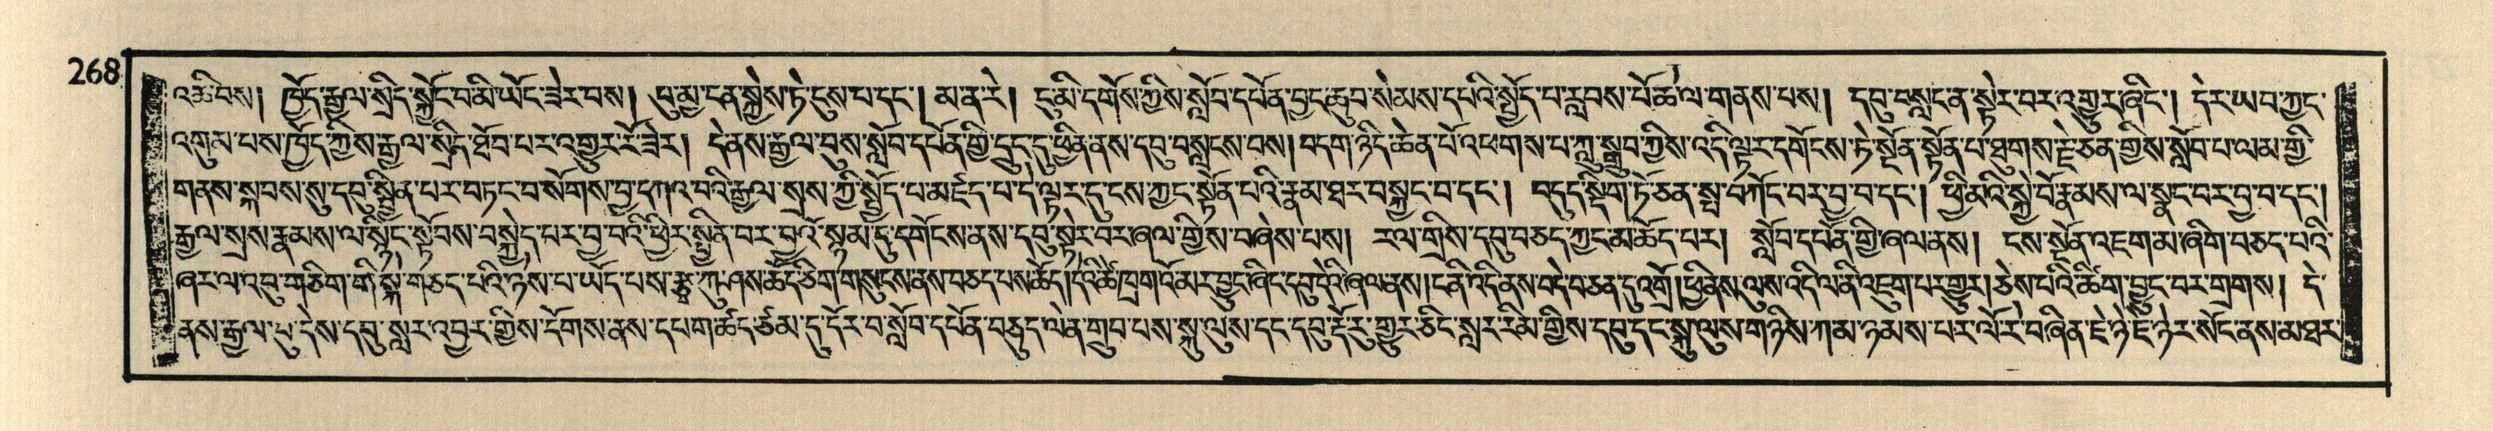འཆི་བས། ཁྱོད་རྒྱལ་སྲིད་སྐྱོང་བ་མི་ཡོང་ཟེར་བས། པུ་མྱ་ངན་སྐྱེས་ཏེ་དུས་པ་དང་། མ་ན་རེ། དུ་མི་དགོས་ཀྱིས་སློབ་དཔོན་བྱང་ཆུབ་སེམས་དཔའི་སྤྱོད་པ་རླབས་པོ་ཆེ་ལ་གནས་པས། དབུ་བསླང་ན་སྟེར་བར་འགྱུར་ཞིང་། དེར་ཡབ་ཀྱང་
འགུམ་པས་ཁྱོད་ཀྱིས་རྒྱལ་སྲིད་ཐོབ་པར་འགྱུར་རོ་ཟེར། དེ་ནས་རྒྱལ་བུས་སློབ་དཔོན་གྱི་དྲུང་དུ་ཕྱིན་ནས་དབུ་བསླངས་བས། བདག་ཉིད་ཆེན་པོ་འཕགས་པ་ཀླུ་སྒྲུབ་ཀྱིས་འདི་ལྟར་དགོངས་ཏེ་སྔོན་སྟོན་པ་ཐུགས་རྗེ་ཅན་གྱིས་སློབ་པ་ལམ་གྱི་
གནས་སྐབས་སུ་དབུ་སྦྱིན་པར་བཏང་བ་སོགས་བྱ་དཀའ་བའི་རྒྱལ་སྲས་ཀྱི་སྤྱོད་པ་མཛད་པ་དེ་ལྟར་དུ་ངས་ཀྱང་སྟོན་པའི་རྣམ་ཐར་བསྐྱང་བ་དང་། བདུད་སྡིག་ཏོ་ཅན་སྤ་བཀོང་བར་བྱ་བ་དང་། ཕྱི་མའི་སྐྱེ་བོ་རྣམས་ལ་སྣང་བར་བྱ་བ་དང་།
རྒྱལ་སྲས་རྣམས་ལ་སྙིང་སྟོབས་བསྐྱེད་པར་བྱ་བའི་ཕྱིར་སྤྱིན་བར་བྱའོ་སྙམ་དུ་དགོངས་ནས་དབུ་སྟེར་བར་ཞལ་གྱིས་བཞེས་པས། རལ་གྲིས་དབུ་བཅད་ཀྱང་མཆོད་པར། སློབ་དཔོན་གྱི་ཞལ་ནས། ངས་སྔོན་འཇག་མ་ཞིག་བཅད་པའི་
ཞར་ལ་འབུ་གཅིག་གི་སྐེ་གཅད་པའི་ཉེས་པ་ཡོད་པས་རྩྭ་ཀུ་ཤས་ཆོད་ཅིག་གསུངས་ནས་བཅད་པས་ཆོད། དེའི་ཚེ་ཁྲག་འོ་མར་བྱུང་ཞིང་དབུ་དེའི་ཞལ་ནས། ང་ནི་འདི་ནས་བདེ་བ་ཅན་དུ་འགྲོ། ཕྱི་ནས་ལུས་འདི་ལ་ནི་འཇུག་པར་གྱུར། ཅེས་པའི་ཚིག་བྱུང་བར་གྲགས། དེ་
ནས་རྒྱལ་པུ་དེས་དབུ་སླར་འབྱར་གྱིས་དོགས་ནས་དཔག་ཚད་ཙམ་དུ་དོར་བ་སློབ་དཔོན་བཅུད་ལེན་གྲུབ་པས་སྐུ་ལུས་དང་དབུ་རྡོ་རུ་གྱུར་ཅིང་སླར་རིམ་གྱིས་དབུ་དང་སྐུ་ལུས་གཉིས་ཀ་མ་ཉམས་པར་ལོ་རེ་བཞིན་ཇེ་ཉེ་ཇེ་ཉེར་སོང་ནས་མཐར་